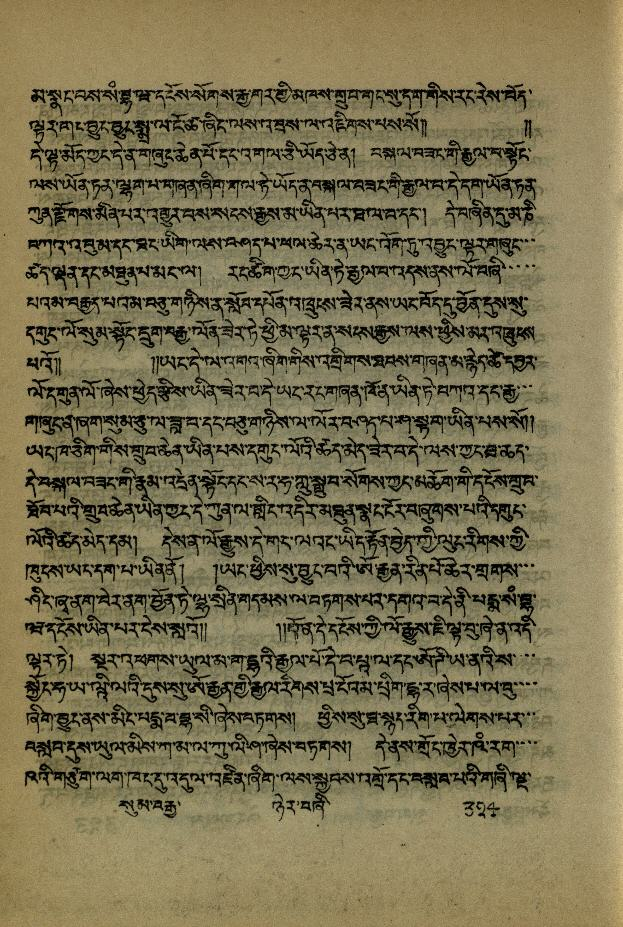མ་སྣང་བས་སཾ་བྷ་ཝ་དངོས་སོགས་རྒྱ་གར་གྱི་མཁས་གྲུབ་གང་སུ་དག་གིས་རང་རེས་བོད་
ལྟར་གང་བྱུང་བྱུང་སྨྲ་ལ་ངོ་ཚ་ཞིང་ལས་འབྲས་ལ་འཇིགས་པས་སོ།། །།
དེ་ལྟ་མོད་ཀྱང་དེ་ན་གཞུང་ཆེན་པོ་དང་འགལ་ཅི་ཡོད་ཅེ་ན། བསྐལ་བཟང་གི་རྒྱལ་བ་སྟོང་
ལས་ཡོན་ཏན་ལྷག་པ་གཞན་ཞིག་གལ་ཏེ་ཡོད་ན་བསྐལ་བཟང་གི་རྒྱལ་བ་དེ་དག་ཡོན་ཏན་
ཀུན་རྫོགས་མིན་པར་འགྱུར་བས་སངས་རྒྱས་མ་ཡིན་པར་ཐལ་བ་དང་། དེ་བཞིན་དུ་མ་ཎི་
བཀའ་འབུམ་དང་ཐང་ཡིག་ལས་བཤད་པ་ཕལ་ཆེར་ན་ཡང་འོག་ཏུ་འབྱུང་ལྟར་གཞུང་
ཚད་ལྡན་དང་མཐུན་པ་མང་ལ། རང་ཚིག་ཀྱང་ཡིན་ཏེ་རྒྱལ་བ་འདས་ནས་ལོ་བཞི་
པའམ་བརྒྱད་པའམ་བཅུ་གཉིས་ན་སློབ་དཔོན་འཁྲུངས་ཟེར་ནས་ཡང་བོད་དུ་བྱོན་དུས་སུ་
དགུང་ལོ་སུམ་སྟོང་དྲུག་བརྒྱ་ལོན་ཟེར་ཏེ་ཕྱི་མ་ལྟར་ན་སངས་རྒྱས་ལས་ཕྱིས་མར་འཁྲུངས་
པའོ།། །།ཡང་དེ་ལ་འགའ་ཞིག་གིས་འགྲིགས་ཐབས་གཞན་མ་རྙེད་ཚེ་དབྱར་
ལོ་དགུན་ལོ་ཞེས་ཕྱེད་རྩིས་ཡིན་ཟེར་བ་དེ་ཡང་རང་གཞན་ཁོ་ན་ཡིན་ཏེ་བཀའ་དང་རྒྱ་
གཞུང་ན་ཞག་སུམ་ཅུ་ལ་ཟླ་བ་དང་བཅུ་གཉིས་ལ་ལོར་བཤད་པ་ཤ་སྟག་ཡིན་པས་སོ།།
ཡང་ཁ་ཅིག་གིས་གྲུབ་ཆེན་ཡིན་པས་དགུང་ལོའི་ཚད་མེད་ཟེར་བདེ་ལས་ཀྱང་ཐ་ཆད་
དེ་བསྐལ་བཟང་གི་རྣམ་འདྲེན་སྟོང་དང་ས་ར་ཧ་ཀླུ་སྒྲུབ་སོགས་ཀྱང་མཆོག་གི་དངོས་གྲུབ་
ཐོབ་པའི་གྲུབ་ཆེན་ཡིན་ཀྱང་དེ་ཀུན་ལ་གླིང་འདིར་མཐུན་སྣང་ངོར་བཞུགས་པའི་དགུང་
ལོའི་ཚད་མེད་དམ། དེས་ན་ལོ་རྒྱུས་དེ་གང་ལའང་ཡིད་རྟོན་བྱེད་ཀྱི་ལུང་རིགས་ཀྱི་
ཁུངས་ཡང་དག་པ་ཡིན་ནོ། །ཡང་ཕྱིས་སུ་བྱུང་བའི་ཨོ་རྒྱན་རིན་པོ་ཆེར་གྲགས་
ཤིང་ཞྭ་ནག་བེར་ནག་བྱོན་ཏེ་ལྷ་སྲིན་གདམས་ལ་བཏགས་པར་དགའ་བ་དེ་ནི་པདམ་སཾ་བྷ་
ཝ་དངོས་ཡིན་པར་ངེས་སླའོ།། །།འོ་ན་དེ་དངོས་ཀྱི་ལོ་རྒྱུས་ཇི་ལྟ་བུ་ཞེ་ན་འདི་
ལྟར་ཏེ། སྔར་འཕགས་ཡུལ་མ་ག་དྷའི་རྒྱལ་པོ་དེ་བ་པཱ་ལ་དང་ཨོ་ཌི་ཡ་ནའི་ས་
སྐྱོང་ཧ་ཡ་ལཱི་ལའི་དུས་སུ་ཨོ་རྒྱན་གྱི་རྒྱལ་རིགས་པྲ་ངོའམ་ཕྲིག་དྷ་ར་ཞེས་པ་ལ་བུ་
ཞིག་བྱུང་ནས་མིང་པདམ་བ་བྷ་སི་ཞེས་བཏགས། ཕྱིས་སུ་ཐ་སྙད་རིག་པ་ལེགས་པར་
བསླབ་དུས་ཡུལ་མིས་ཀ་མ་ལ་ཀུ་ལི་ཤ་ཞེས་བཏགས། དེ་ནས་གྲོང་ཁྱེར་ཤཾ་རག་
ཥའི་གཙུག་ལག་ཁང་དུ་འདུལ་འཛིན་ཞིག་ལས་སྐྱབས་འགྲོ་དང་བསླབ་པའི་གཞི་ལྔ་